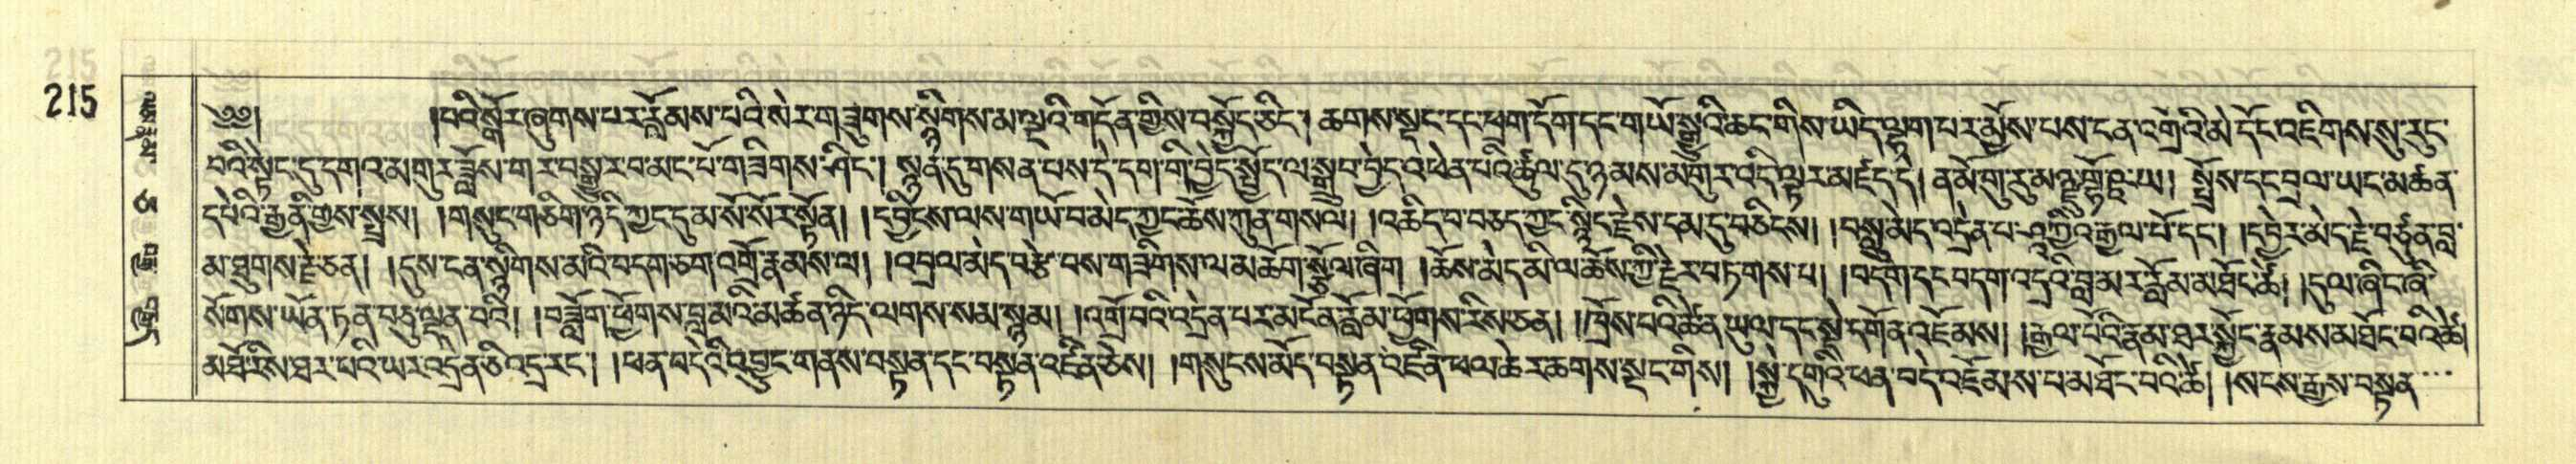༄༅། །པའི་སྒོར་ཞུགས་པར་རློམས་པའི་སེར་གཟུགས་སྙིགས་མ་ལྔའི་གདོན་གྱིས་བསྐྱོད་ཅིང་། ཆགས་སྡང་དང་ཕྲག་དོག་དང་གཡོ་སྒྱུའི་ཆང་གིས་ཡིད་ལྷག་པར་མྱོས་པས་ངན་འགྲོའི་མེ་དོང་འཇིགས་སུ་རུང་
བའི་སྟེང་དུ་དགའ་མགུར་ཟློས་གར་བསྒྱུར་བ་མང་པོ་གཟིགས་ཤིང་། སྙན་དུ་གསན་པས་དེ་དག་གི་བྱེད་སྤྱོད་ལ་སྒྲུབ་བྱེད་འཕེན་པའི་ཚུལ་དུ་ཉམས་མགུར་འདི་ལྟར་མཛད་དེ། ན་མོ་གུ་རུ་མཉྫུ་གྷོ་ཥཱ་ཡ། སྤྲོས་དང་བྲལ་ཡང་མཚན་
དཔེའི་རྒྱན་གྱིས་སྤྲས། །གསུང་གཅིག་ཉིད་ཀྱང་དུ་མ་སོ་སོར་སྟོན། །དབྱིངས་ལས་གཡོ་བ་མེད་ཀྱང་ཆོས་ཀུན་གསལ། །འཆིད་བ་བཅད་ཀྱང་སྙིང་རྗེས་དམ་དུ་བཅིངས། །བསླུ་མེད་འདྲེན་པ་ཤཱཀྱའི་རྒྱལ་པོ་དང་། །དབྱེར་མེད་རྗེ་བཙུན་བླ་
མ་ཐུགས་རྗེ་ཅན། །དུས་ངན་སྙིགས་མའི་བདག་ཅག་འགྲོ་རྣམས་ལ། །འབྲལ་མེད་བརྩེ་བས་གཟིགས་ལ་མཆོག་སྩོལ་ཞིག །ཆོས་མེད་མི་ལ་ཆོས་ཀྱི་རྗེར་བཏགས་པ། །བདག་དང་བདག་འདྲའི་བླ་མར་རློམ་མཐོང་ཚེ། །དུལ་ཞིང་ཞི་
སོགས་ཡོན་ཏན་བཅུ་ལྡན་པའི། །བཟློག་ཕྱོགས་བླ་མའི་མཚན་ཉིད་ལགས་སམ་སྙམ། །འགྲོ་བའི་འདྲེན་པར་མངོན་རློམ་ཕྱོགས་རིས་ཅན། །ཁྲོས་པའི་ཚེ་ན་ཡུལ་དང་སྡེ་དགོན་འཇོམས། །རྒྱལ་པོའི་རྣམ་ཐར་སྐྱོང་རྣམས་མཐོང་བའི་ཚེ།
མཐོ་རིས་ཐར་པའི་ཡར་འདྲེན་ཅི་འདྲ་རང་། །ཕན་བདེའི་འབྱུང་གནས་བསྟན་དང་བསྟན་འཛིན་ཅེས། །གསུངས་མོད་བསྟན་འཛིན་ཕལ་ཆེར་ཆགས་སྡང་གིས། །སྐྱེ་དགུའི་ཕན་བདེ་འཇོམས་པ་མཐོང་བའི་ཚེ། །སངས་རྒྱས་བསྟན་